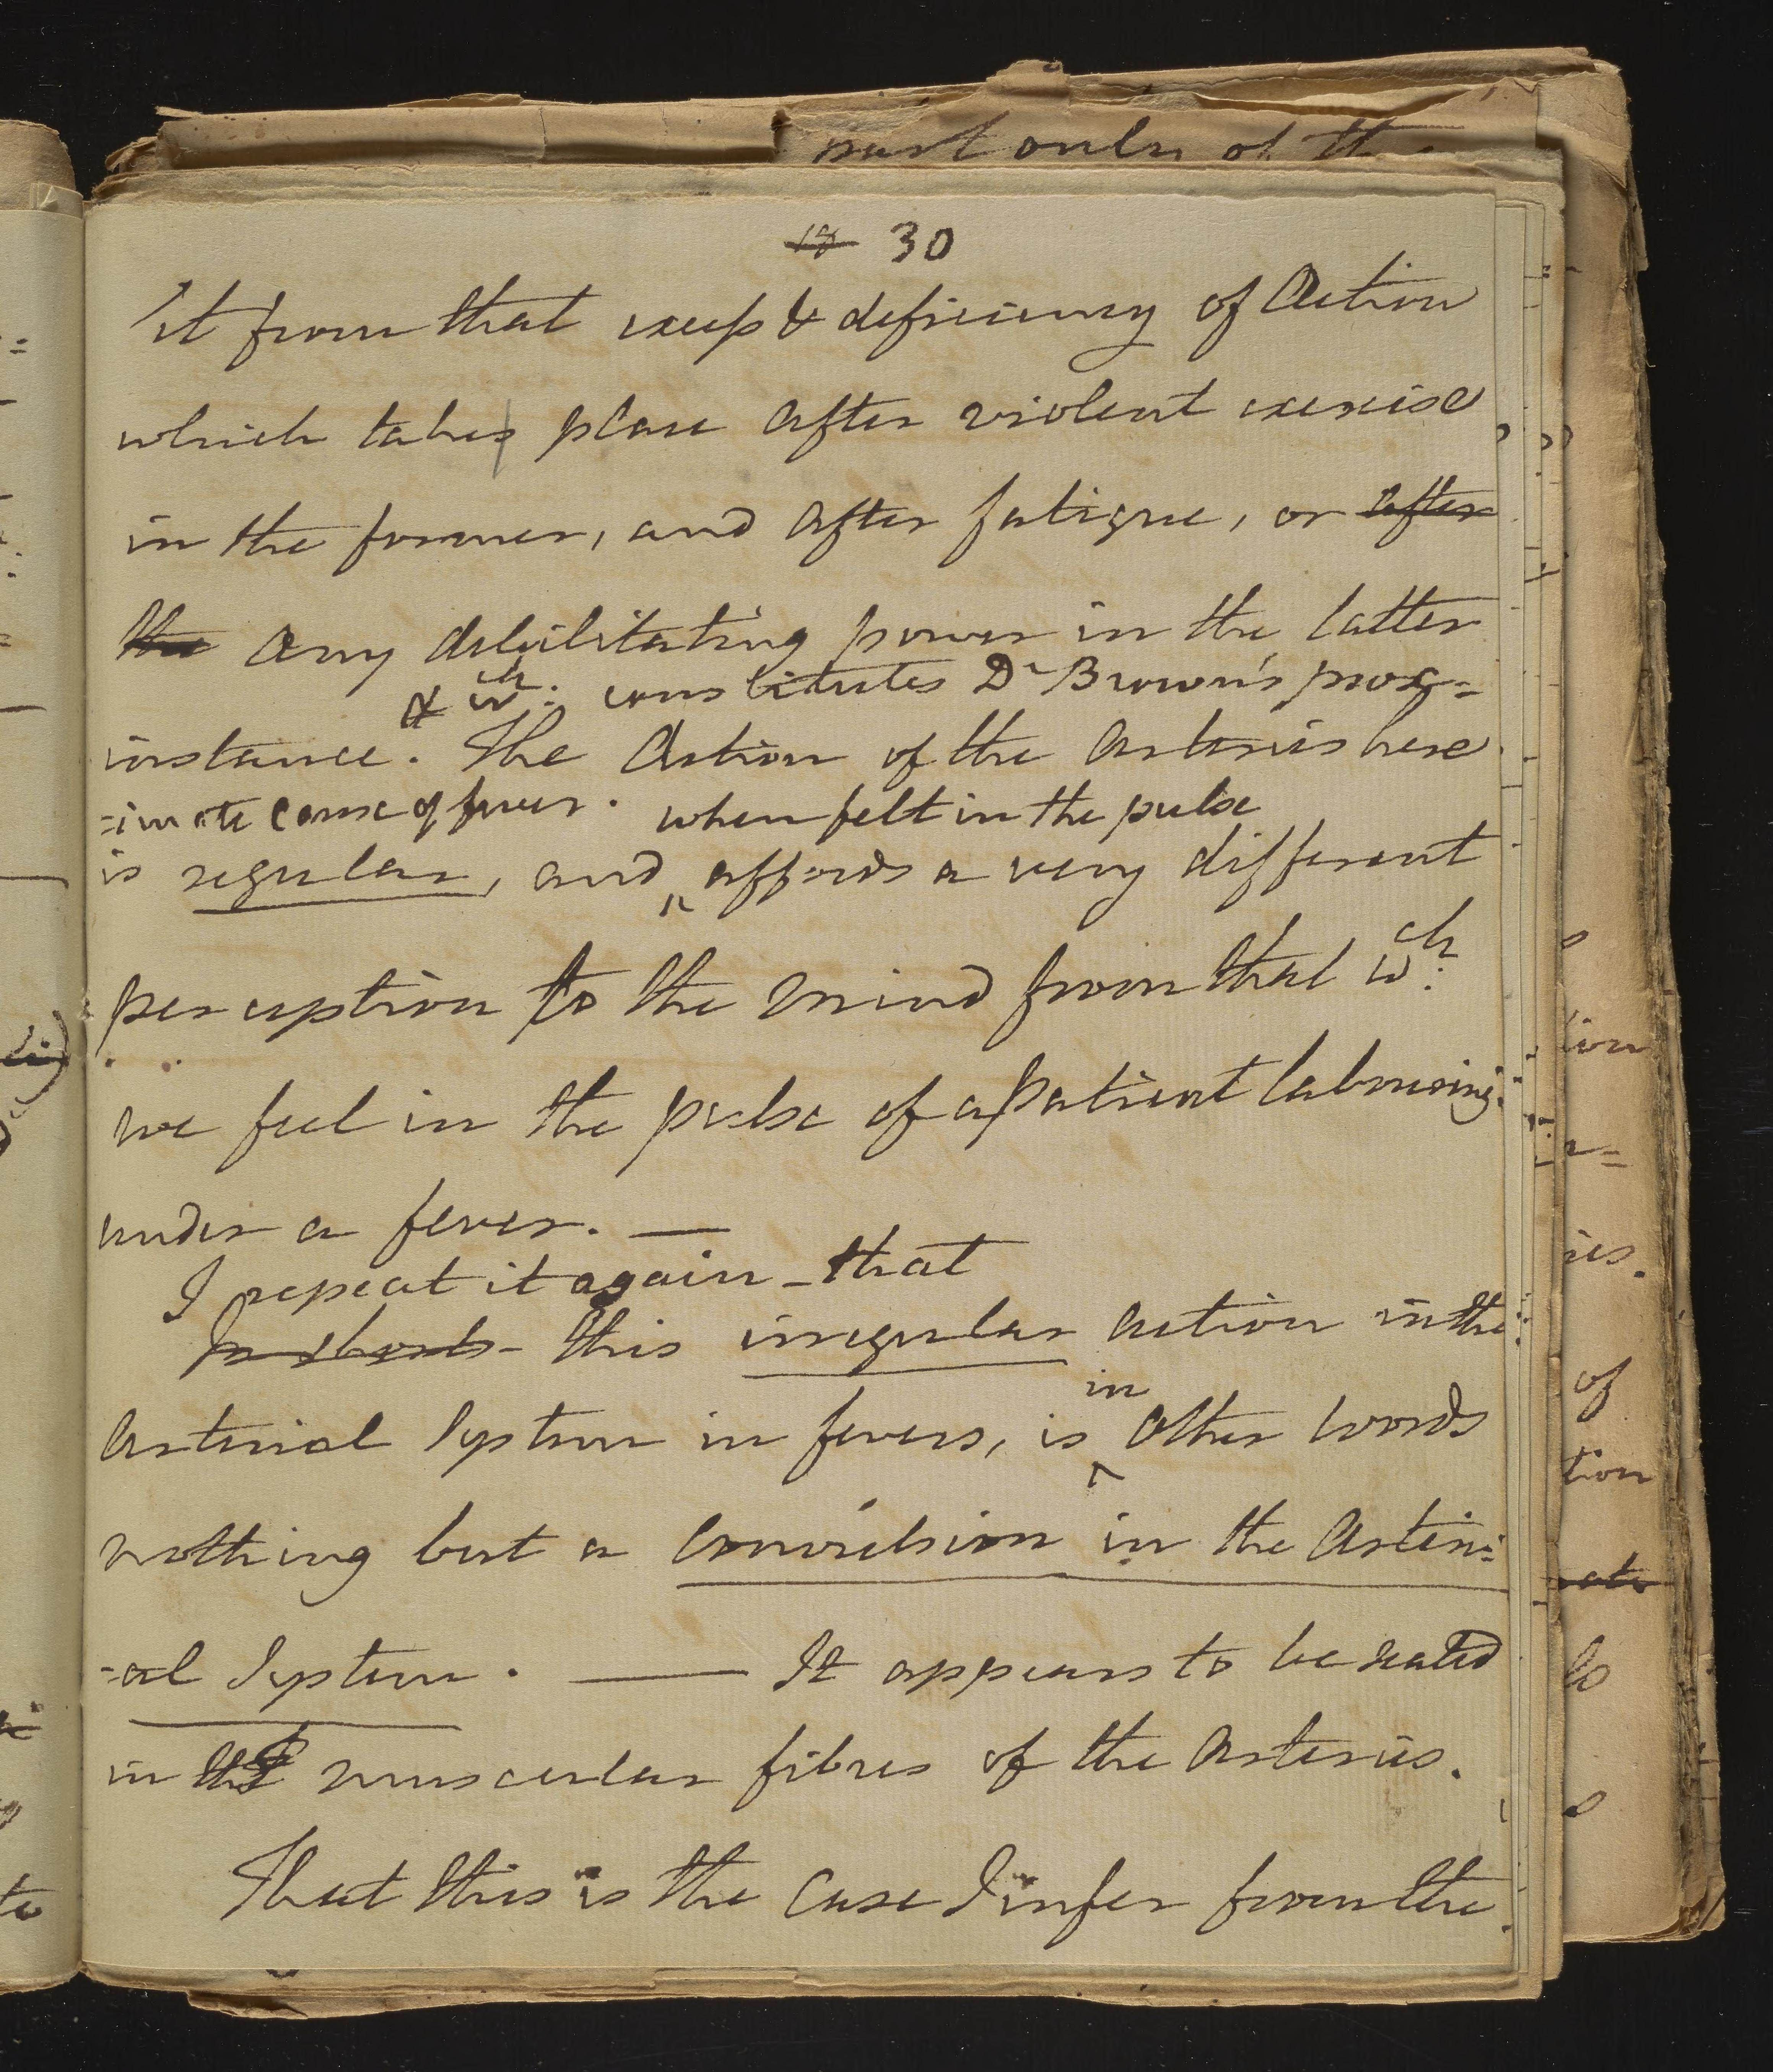30
It from that excess & deficiency of Action
which takes place after violent exercise
in the former, and after fatigue, or [After]
[the] any debilitating power in the latter
& w^ch constitutes D^r Brown's prox-
instance. The action of the arteries here
-imate cause of fever. When felt in the pulse
is regular, and ^ affords a very different
perception to the mind from that w^ch:
are feel in the pulse of a patient labouring
under a fever.
I repeat it again that
In this irregular action in the
in
arterial system in fevers, is ^ other words
nothing but a convulsion in the ateri-
al system. It appears to be seated
in [the] muscular fibres of the arteries.
That this is the cause I infer from the